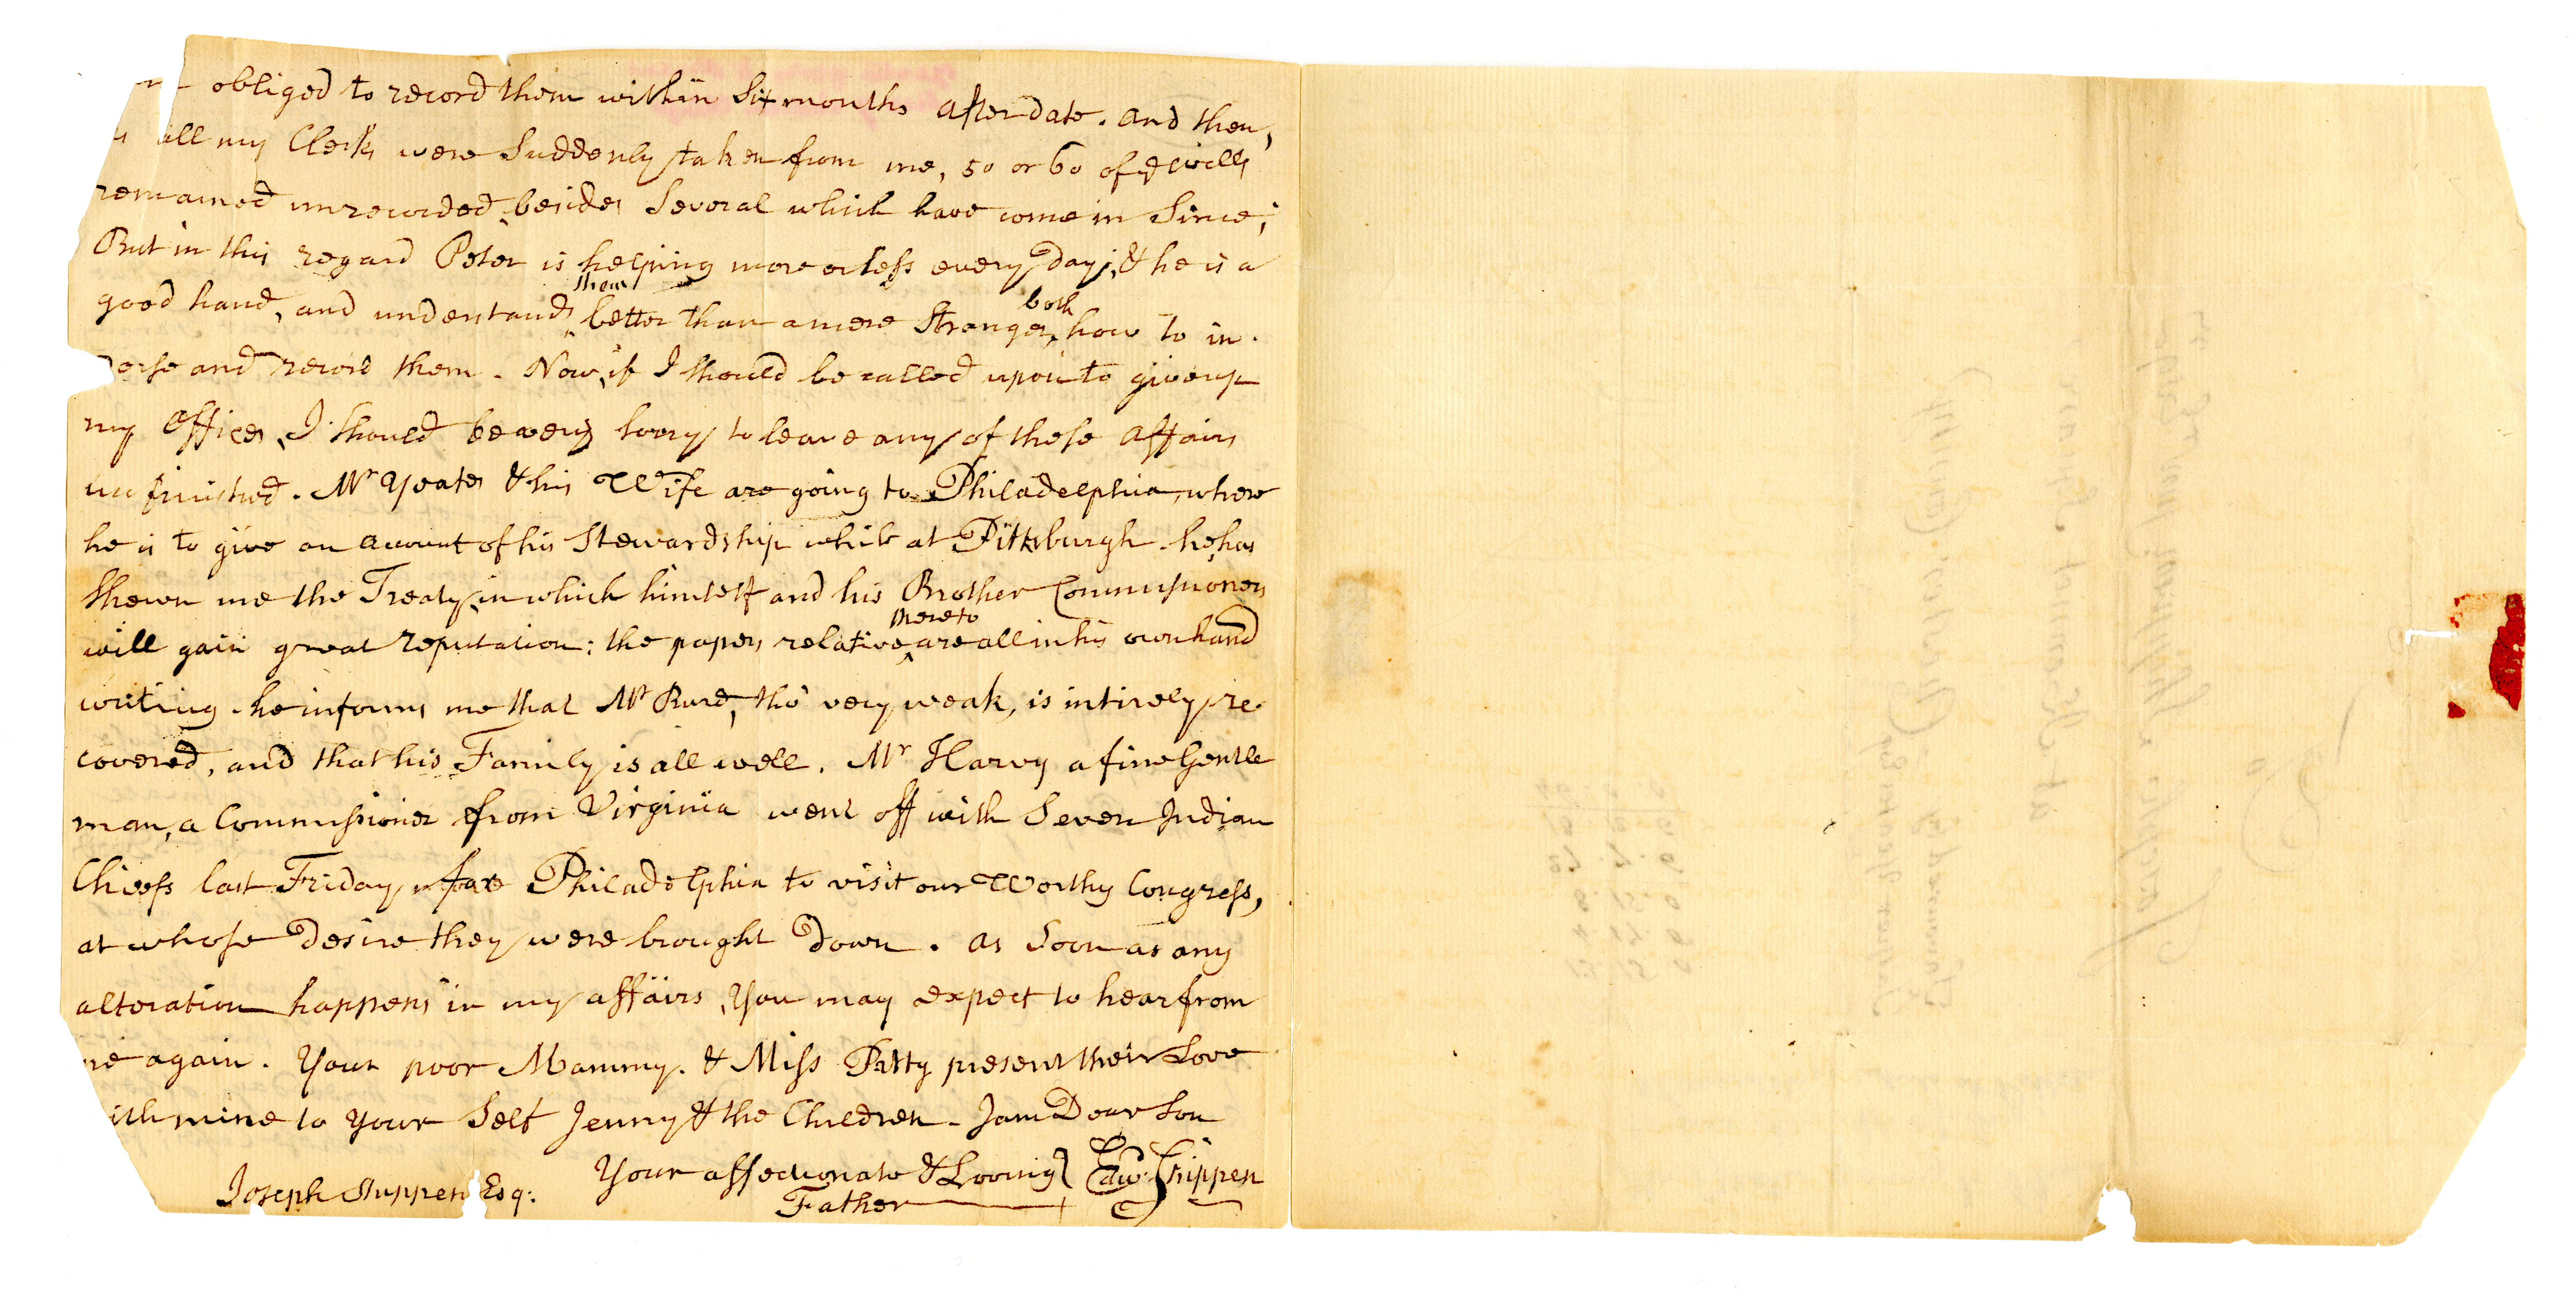[ _] obliged to record them within six months after date. And then,
[__] all my Clerks were Suddenly taken from me, 50 or 60 of y^e civilly
remained unrecorded, besides several which have come in since;
But in this regard Peter is is helping more or less every day; & he is a
them
both
good hand, and understands better than a mere Stranger, how to in.
[_]rse and record them. Now, if I should be called upon to giving
my Offices, I should be very sorry to leave any of these affairs
unfinished. M^r Yeates & his Wife are going to Philadelphia, where
he is to give an Account of his Stewardship while at Pittsburgh. he has
shown me the Treaty, in which himself and his Brother Commisioner
thereto
will gain great reputation: the papers relative ^ are all in his own hand
writing- he informs me that M^r Burd, tho' very weak, is intirely re-
covered, and that his Family is all well. M^r Harvy a fine Gentle
man, a Commissioner from Virginia went off with Seven Indian
Chiefs last Friday for Philadelphia to visit our Worthy Congress,
at whose desire they were brought down. As Soon as any
alteration happens in my affairs, You may expect to hear from
me again. Your poor Mammy. & Miss Patty present their Love
ith mine to Your Self Jenny & the Children.
I am Dear Son
Your affectionate & Loving Edw. Shippen
Father
Joseph Shippen Esq: